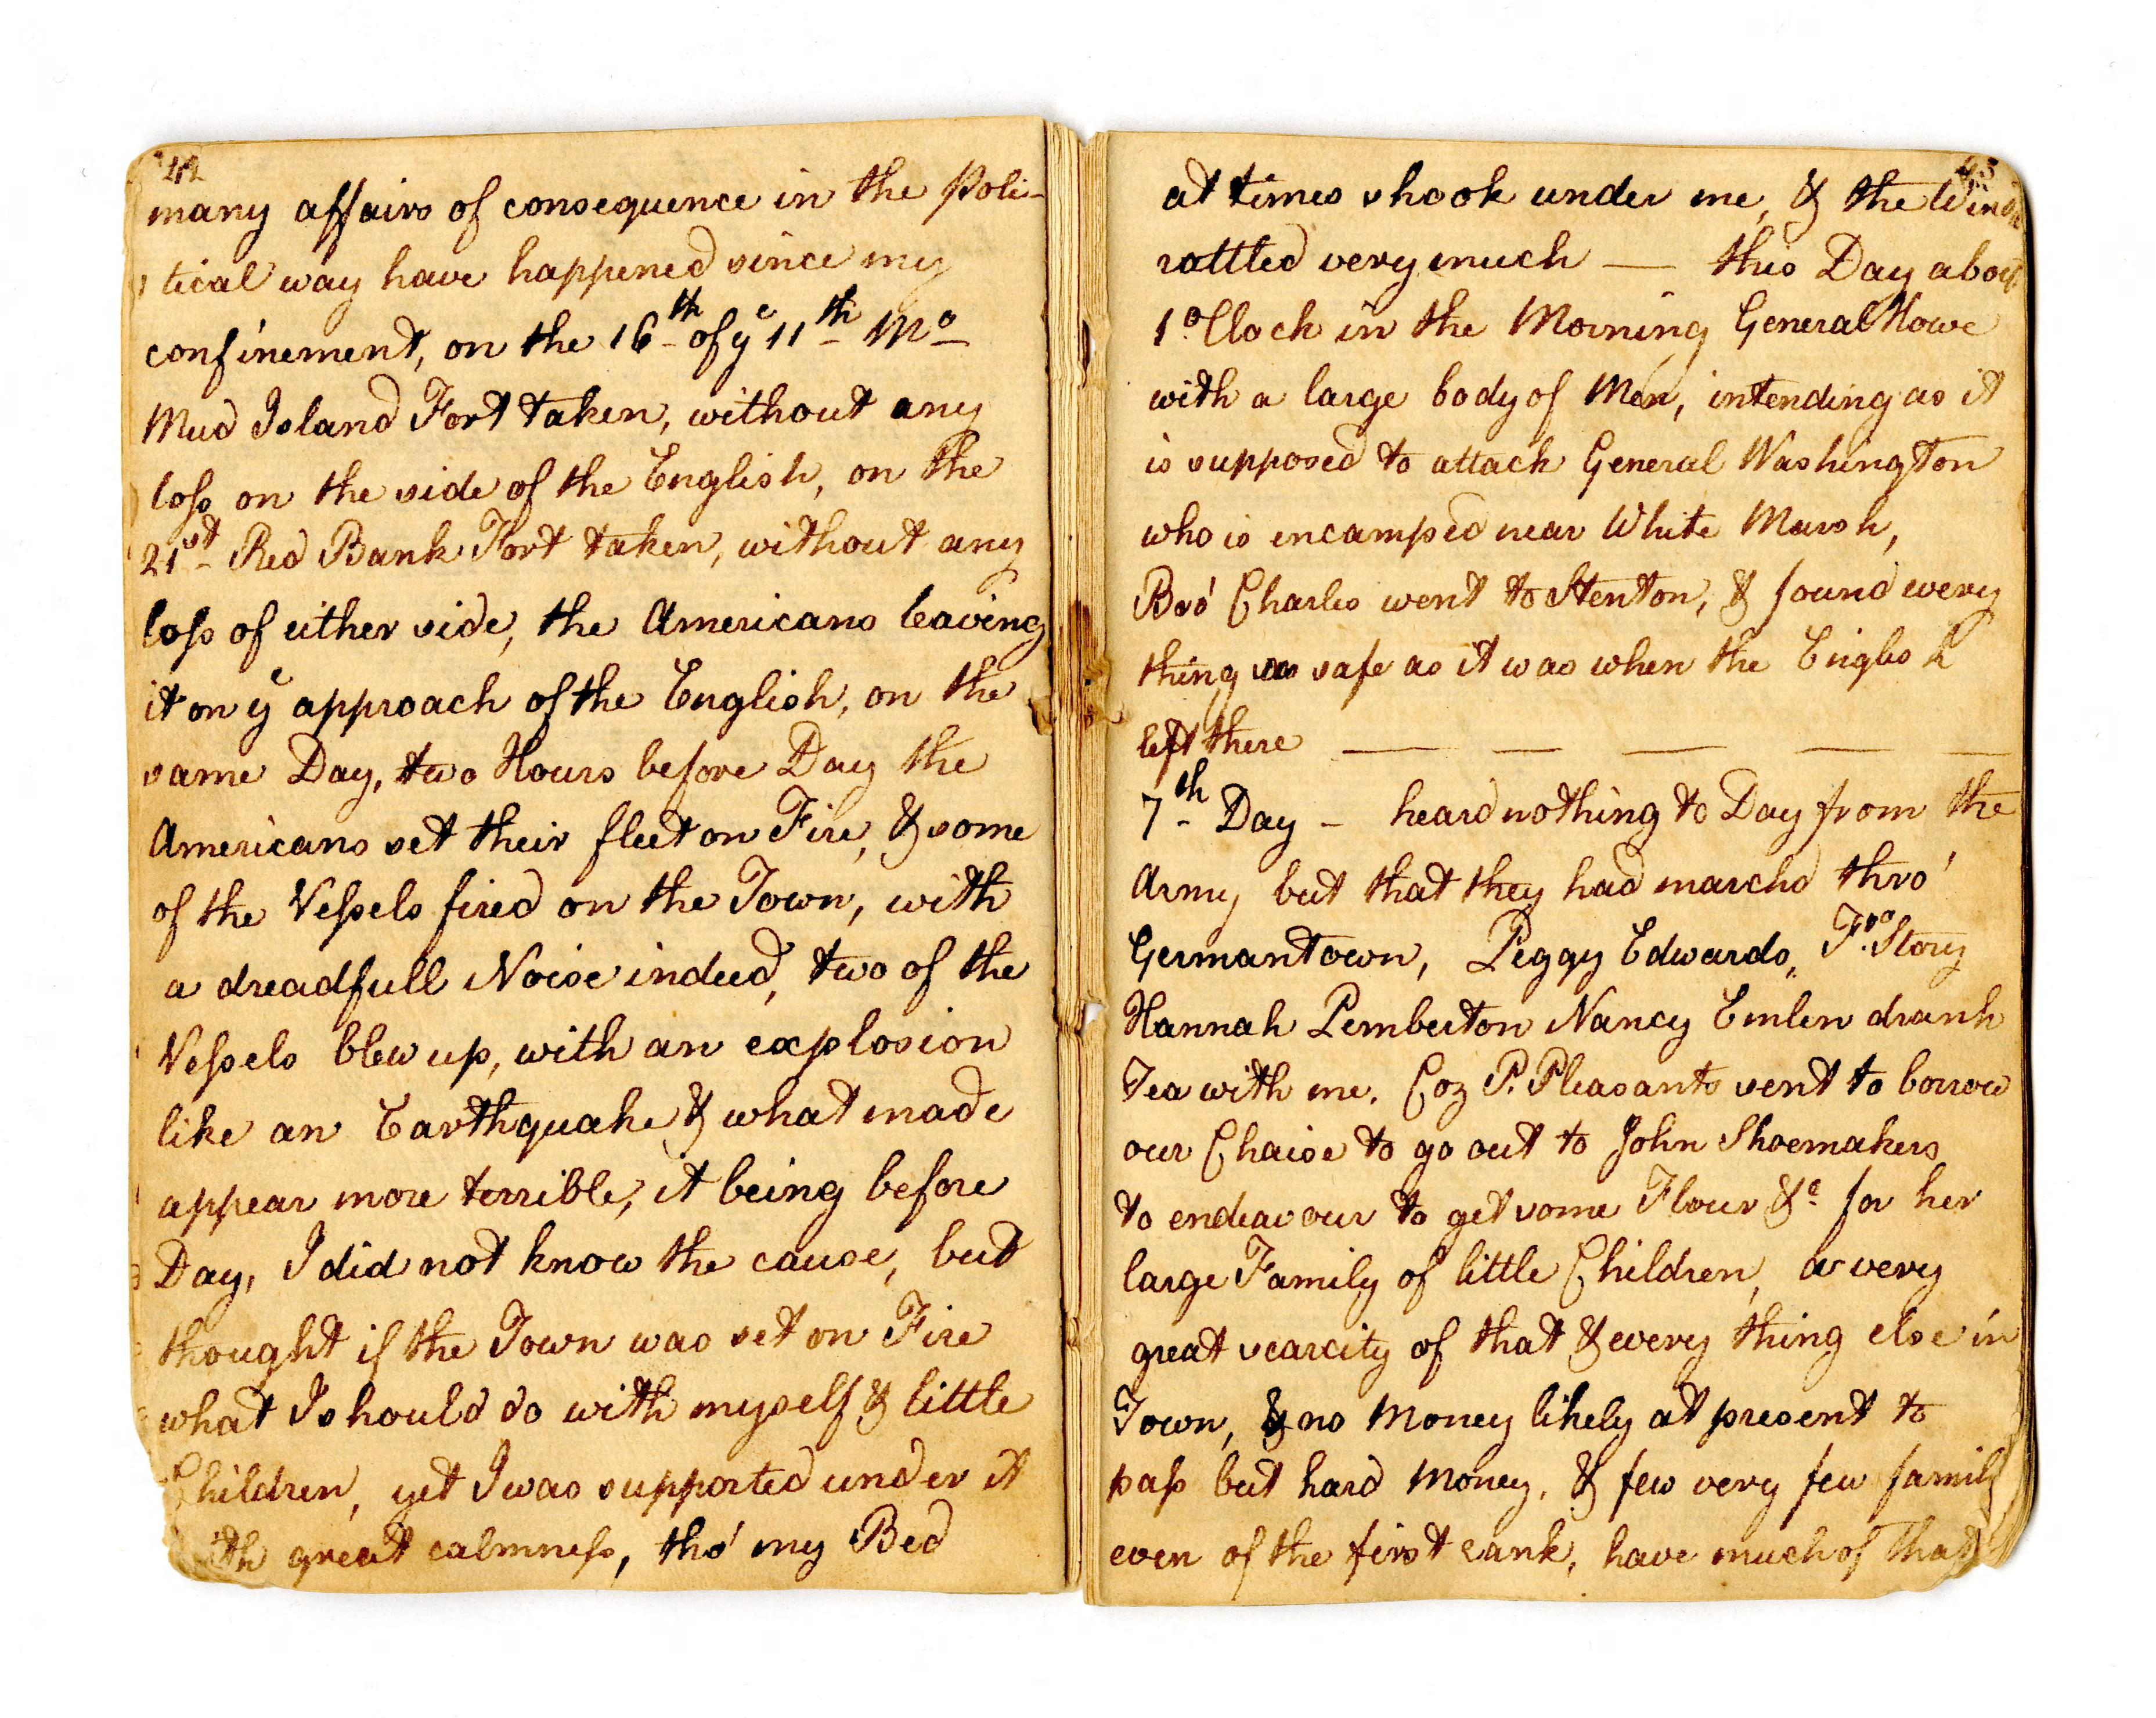42
many affairs of consequence in the Poli-
-tical way have happened since my
confinement, on the 16^th of y^e 11^th M^o
Mud Island Fort taken, without any
loss on the side of the English, on the
21^st Red Bank Fort taken, without any
loss of either side, the Americans leaving
it on y^e approach of the English on the
same Day, two Hours before Day the
Americans set their fleet on Fire & some
of the Vessels fired on the Town, with
a dreadfull Noise indeed, two of the
Vessels blew up, with an explosion
like an Earthquake & what made
appear more terrible, it being before
Day, I did not know the cause, but
thought if the Town was set on Fire
what I should do with myself & little
Children, yet I was supported under it
th great calmness, tho' my Bed
43
at times shook under me, & the Wind
rattled very much- this Day abou
1 ^o Clock in the Morning General Howe
with a large body of Men, intending as it
is supposed to attack General Washington
who is encamped near White Marsh,
Bro' Charles went to Stenton, & found every
thing [__] safe as it was when the English
left there-
7^th Day- heard nothing to Day from the
Army but that they had marchd thro'
Germantown, Peggy Edwards, [F^ro] Story
Hannah Pemberton Nancy Emlen drank
Tea with me. Coz P. Pleasants sent to borrow
our Chaise to go out to John Shoemakers
to endeavour to get some Flour &^c. for her
large Family of little Children, a very
great scarcity of that & every thing else in
Town, & no money likely at present to
pass but hard Money, & few very few famil
even of the first rank, have much of that